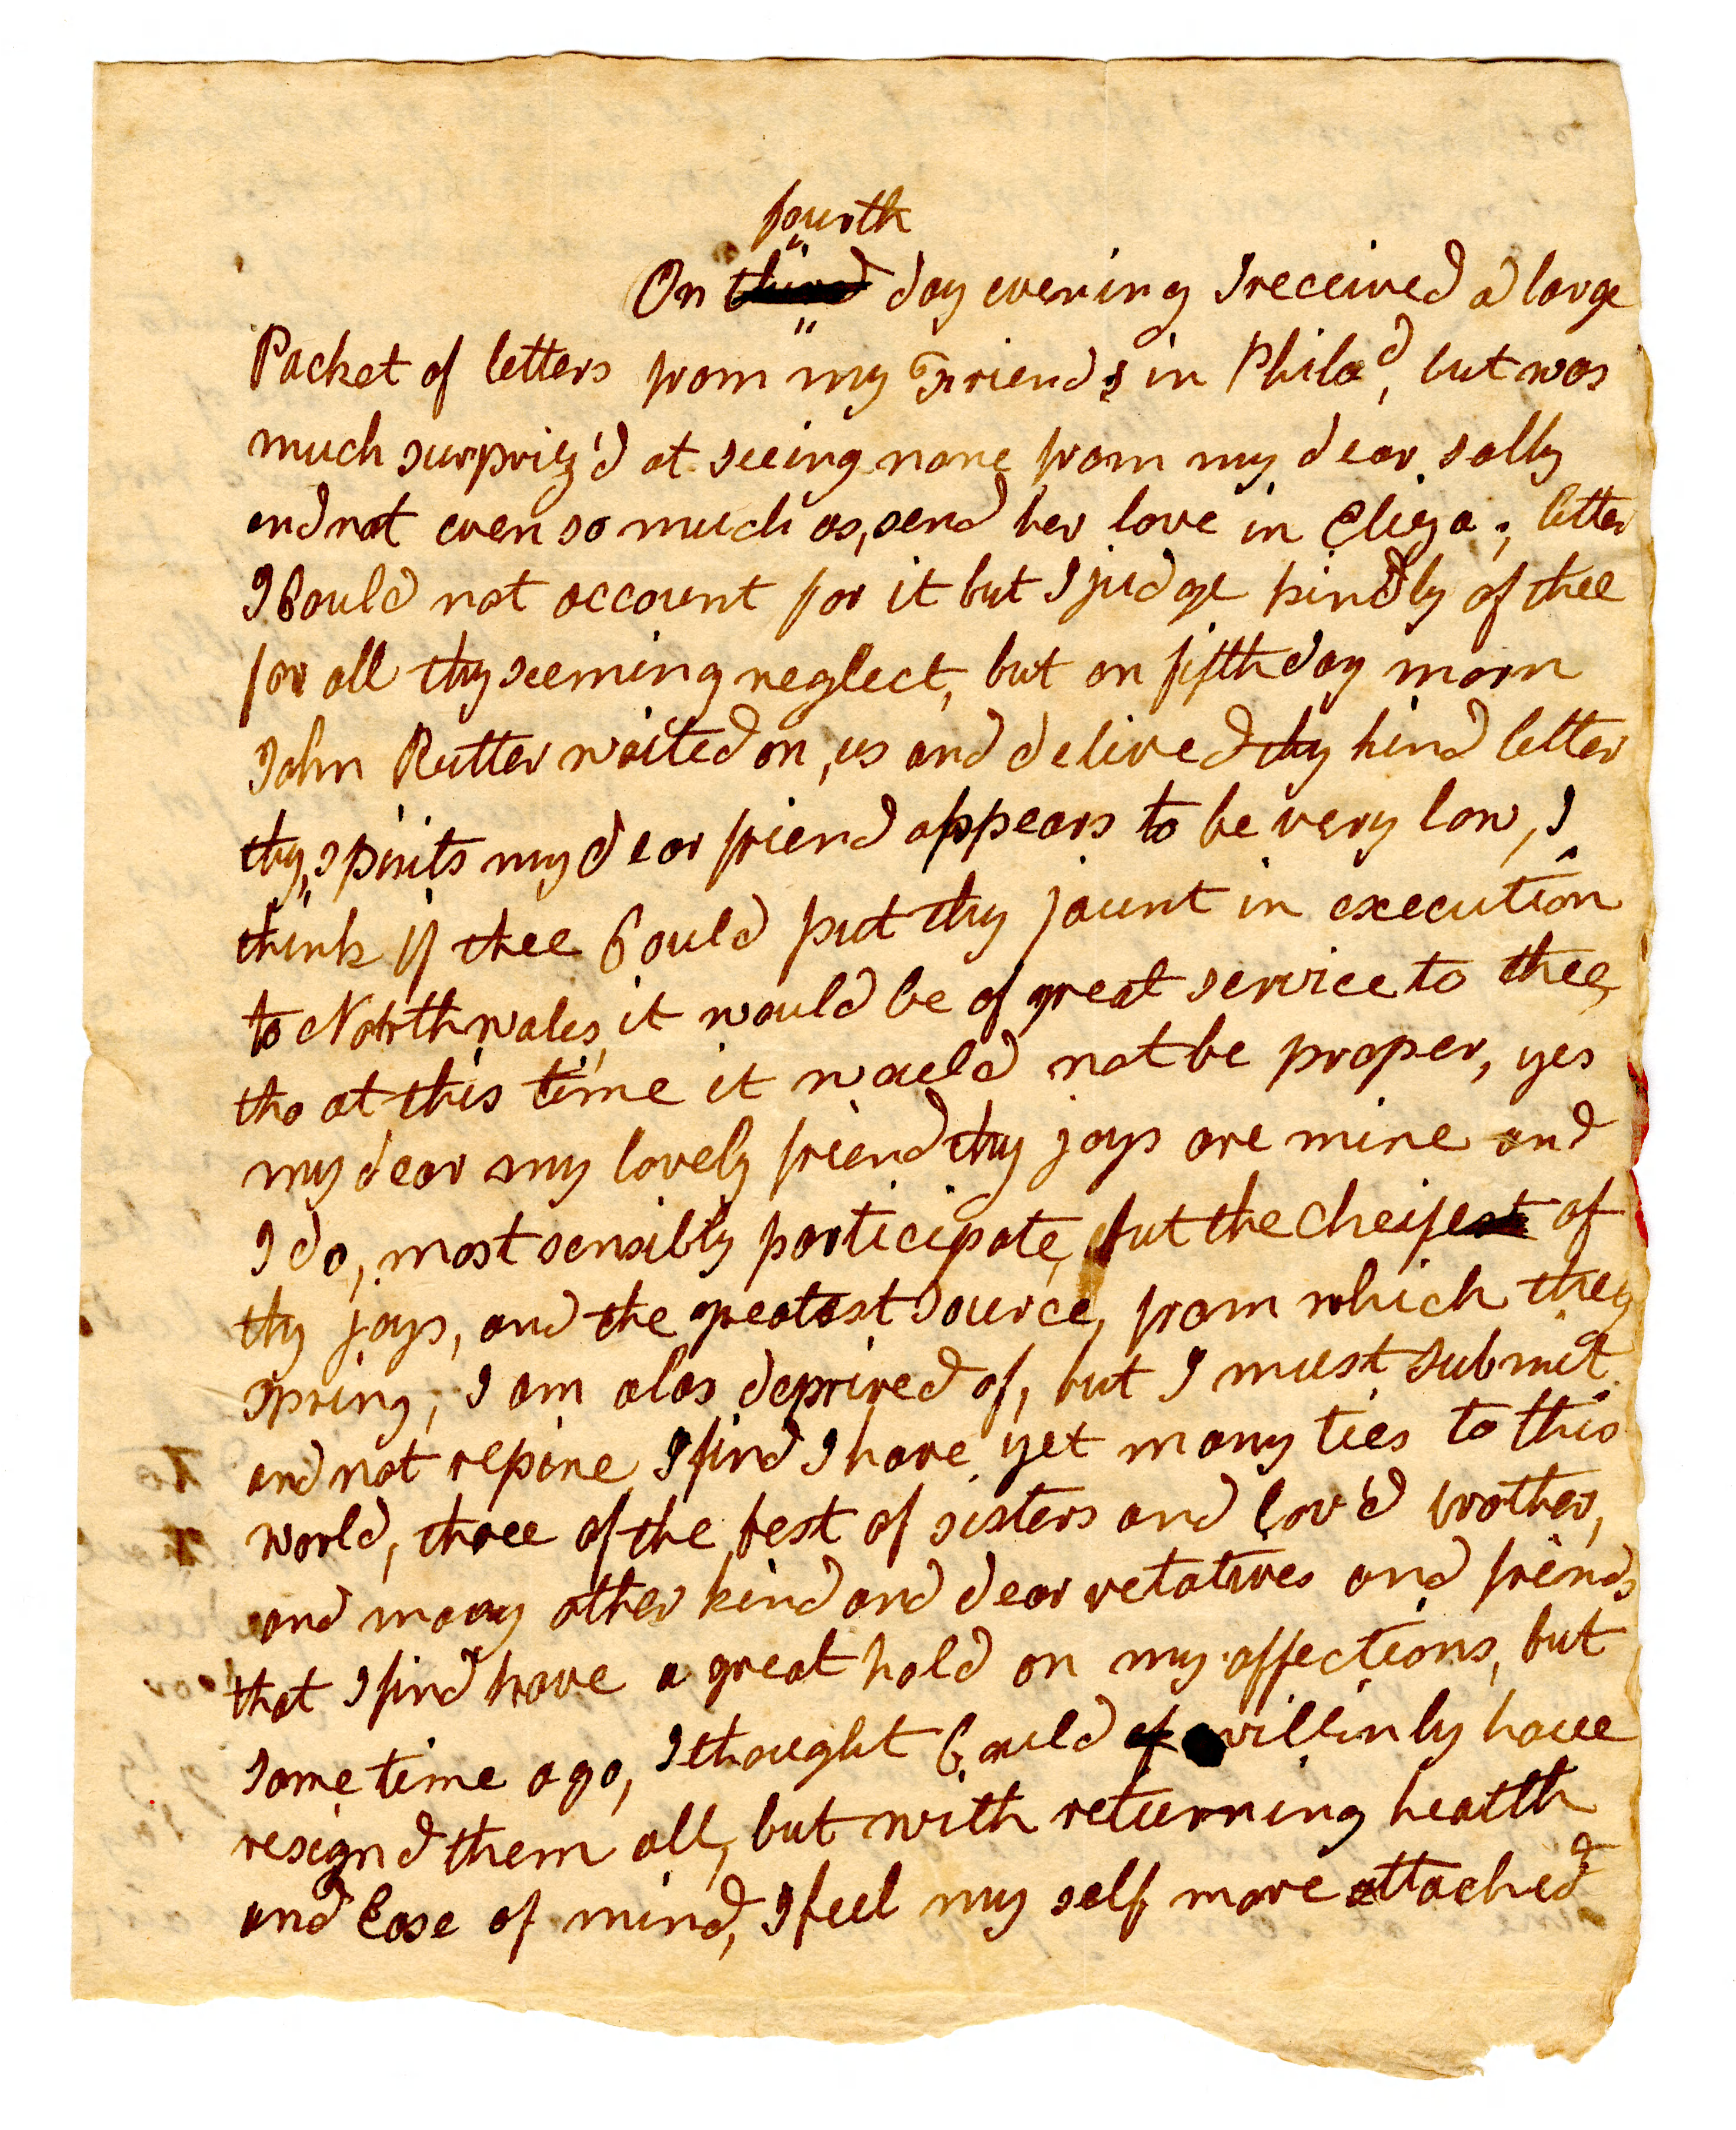fourth
On [third] ^ day evening I received a large
Packet of letters from my friends in Phila^d, but was
much surpriz'd at seeing none from my dear sally
and not even so much as, send her love in Eliza. letter.
I could not account for it but I judge kindly of thee
for all thy seeming neglect, but on fifth day morn
John Rutter waited on us and delivered thy kind letter
thy spirits my dear friend appears to be very low, I
think if thee could put they jaunt in execution
to Northwales it would be of great service to thee,
tho at this time it would not be proper, yes
my dear my lovely friend thy joys are mine and
I do, most sensibly participate, but the cheifest of
thy joys, and the greatest source from which they
spring, I am alas deprived of, but I must submit
and not repine I find I have yet many ties to this
world, three of the best of sisters and lov'd brother,
and many other kind and dear retatives and friends
that I find have a great hold on my affections, but
sometime ago, I thought Could of willingly have
resignd them all, but with returning health
and Ease of mind, I feel my self more attached